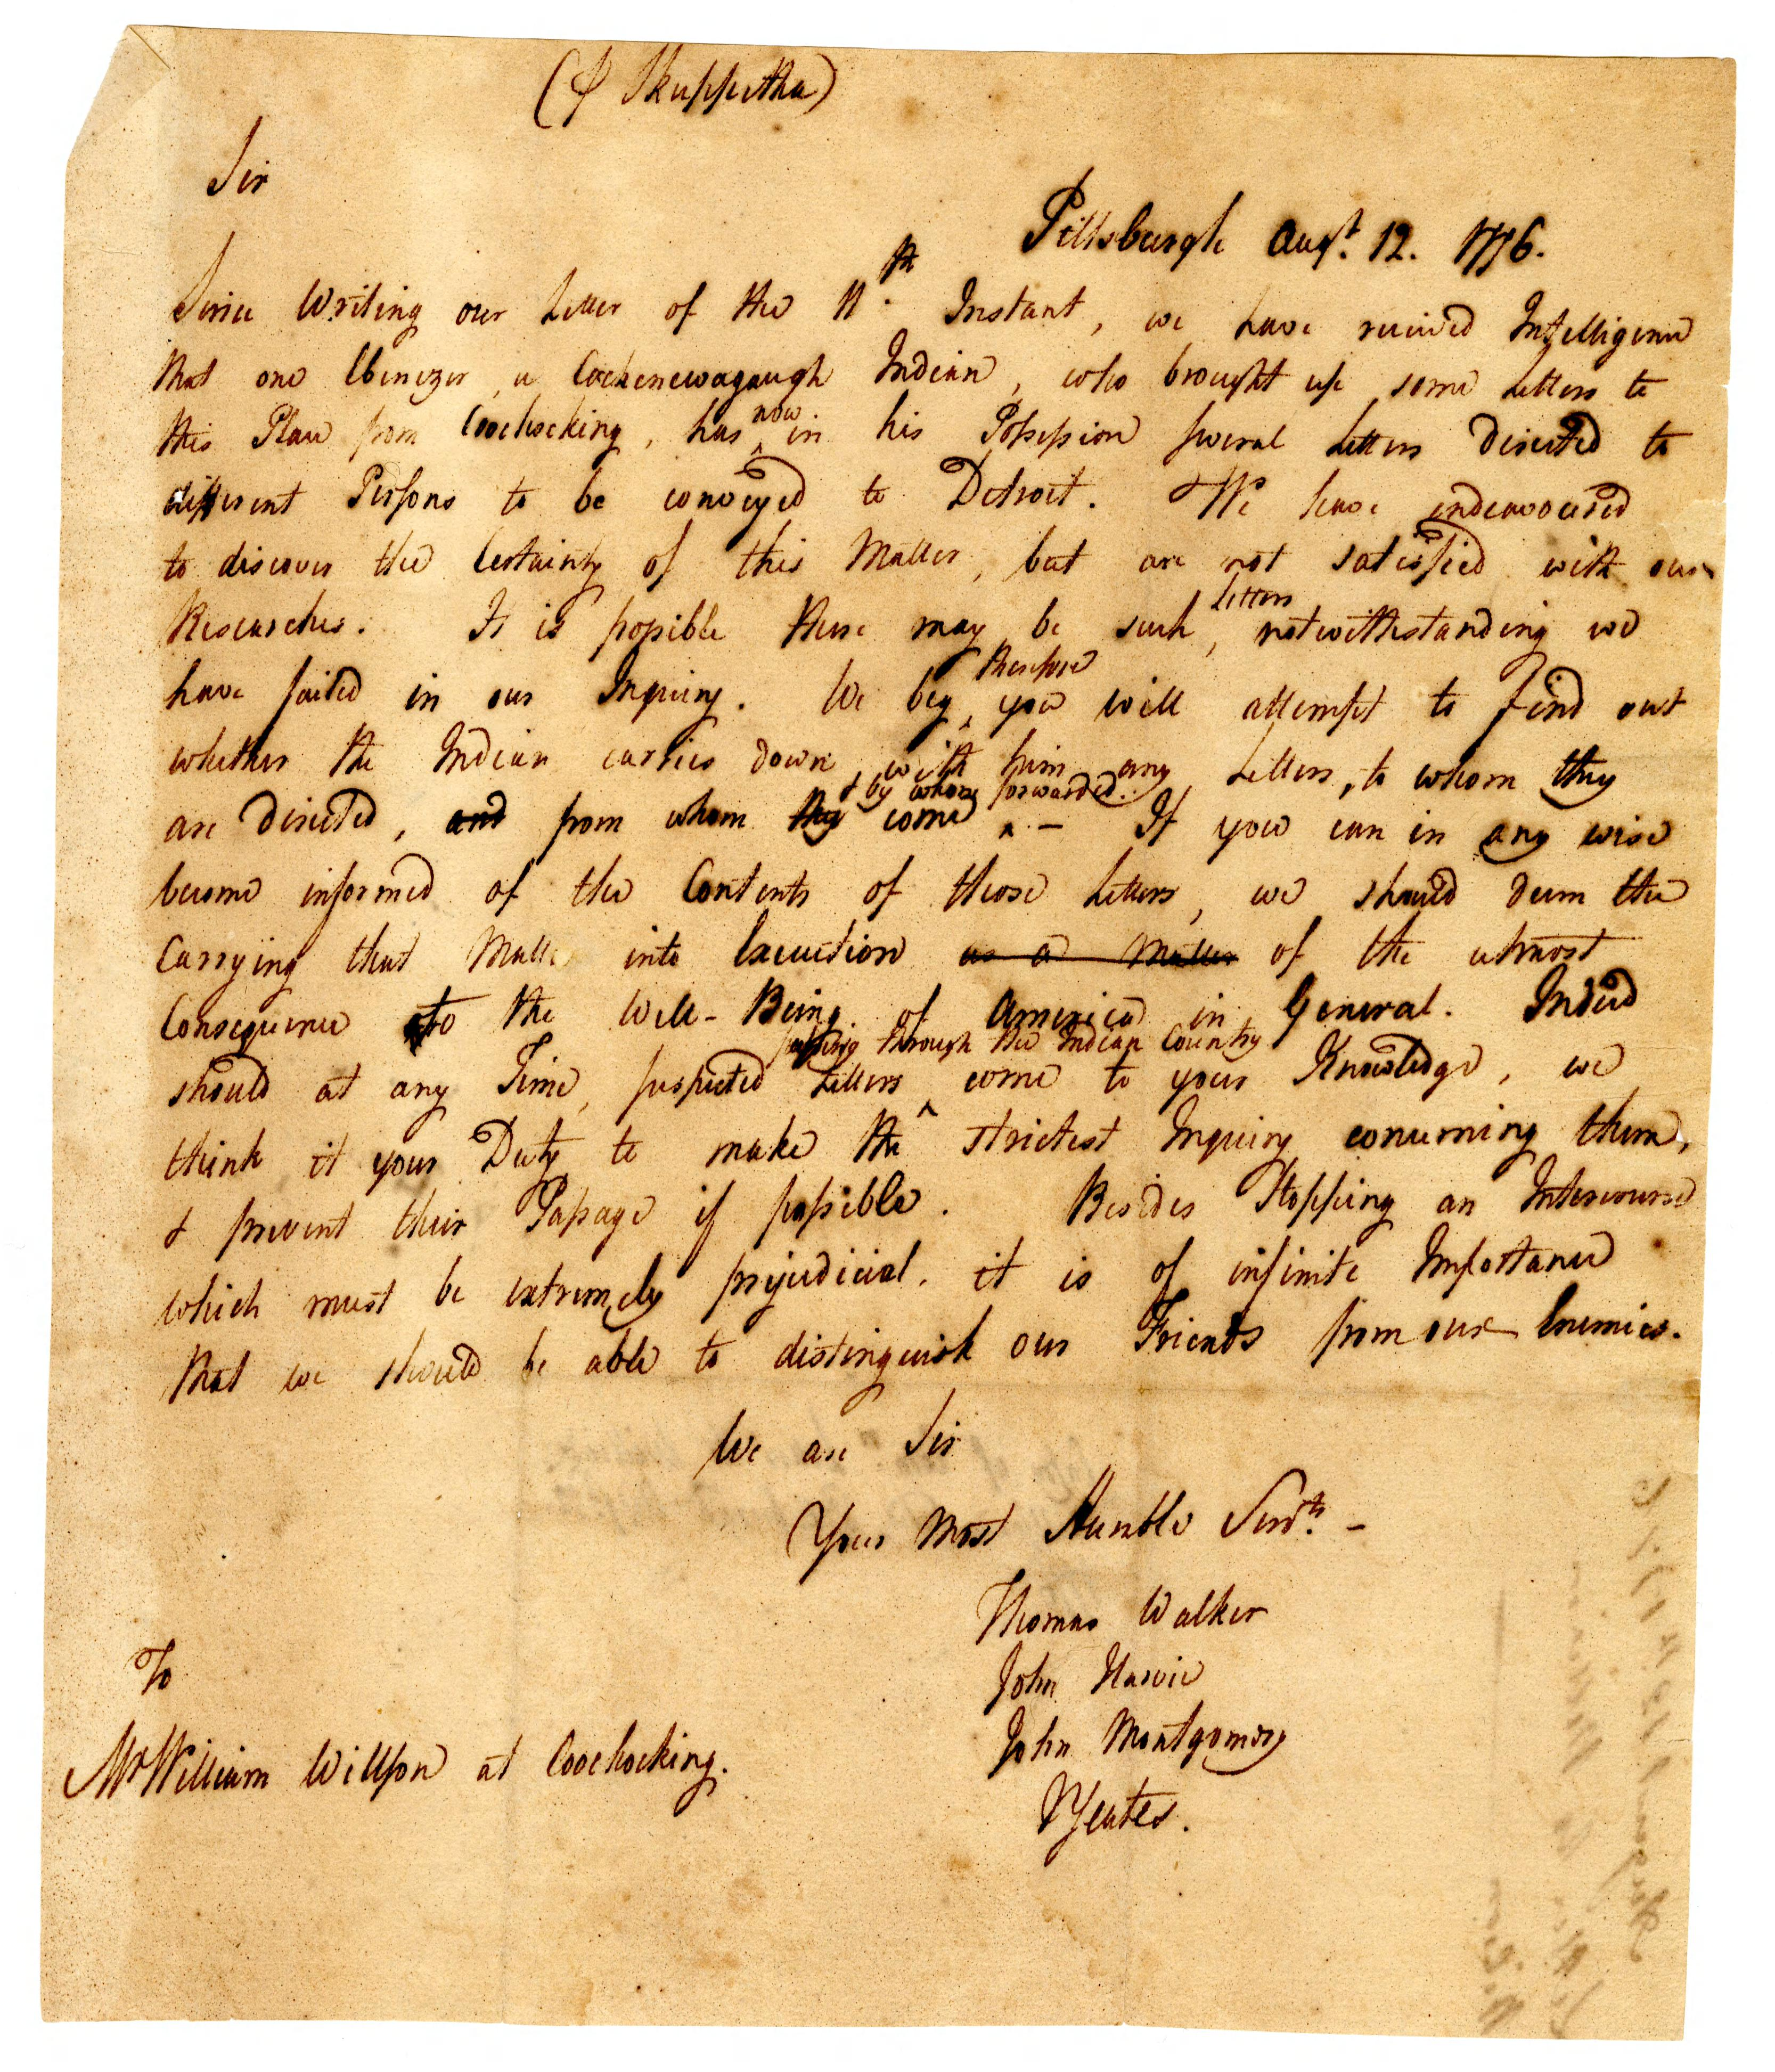(per Skeppetha)
Pittsburgh Aug^t. 12. 1776.
Sir
Since Writing our Letter of the 11^th. Instant, we have received Intelligence
that one Ebinizer a Cockenewagaugh Indian, who brought up some Letters to
now.
this Place from Coochocking, has ^ in his Possession several Letters directed to
different Persons to be conveyed to Detroit. We have indeavoured
to discover the certainty of this Matter, but are not satisfied with our
Letters
Researches. Is is possible there may be such ^, notwithstanding we
therefore
have failed in our Inquriy. We beg ^ you will attempt to find out
whether the Indian carries down with him any Letters, to whom they
& by whom forwarded.
are directed, and from whom they come ^ - If you can in any wise
become informed of the Contents of those Letters, we should deem the
carrying that Matter into Execution as a matter of the utmost
Consequence to the Well- Being of America in General. Indeed
passing through the Indian Country
should at any Time, suspected Letters ^ come to your Knowledge, we
think it your Duty to make the strictest Inquiry concerning them,
& prevent their Passage if possible. Besides Stopping an Intercourse
which must be extremely prejudicial, it is of infinite Importance
that we should be able to distinguish our Friends from our Enemies.
We are Sir
Your Most Humble Serv^t.-
Thomas Walker
John Harvie
John Montgomery
J Yeates.
To
M^r William Willson at Coochocking.